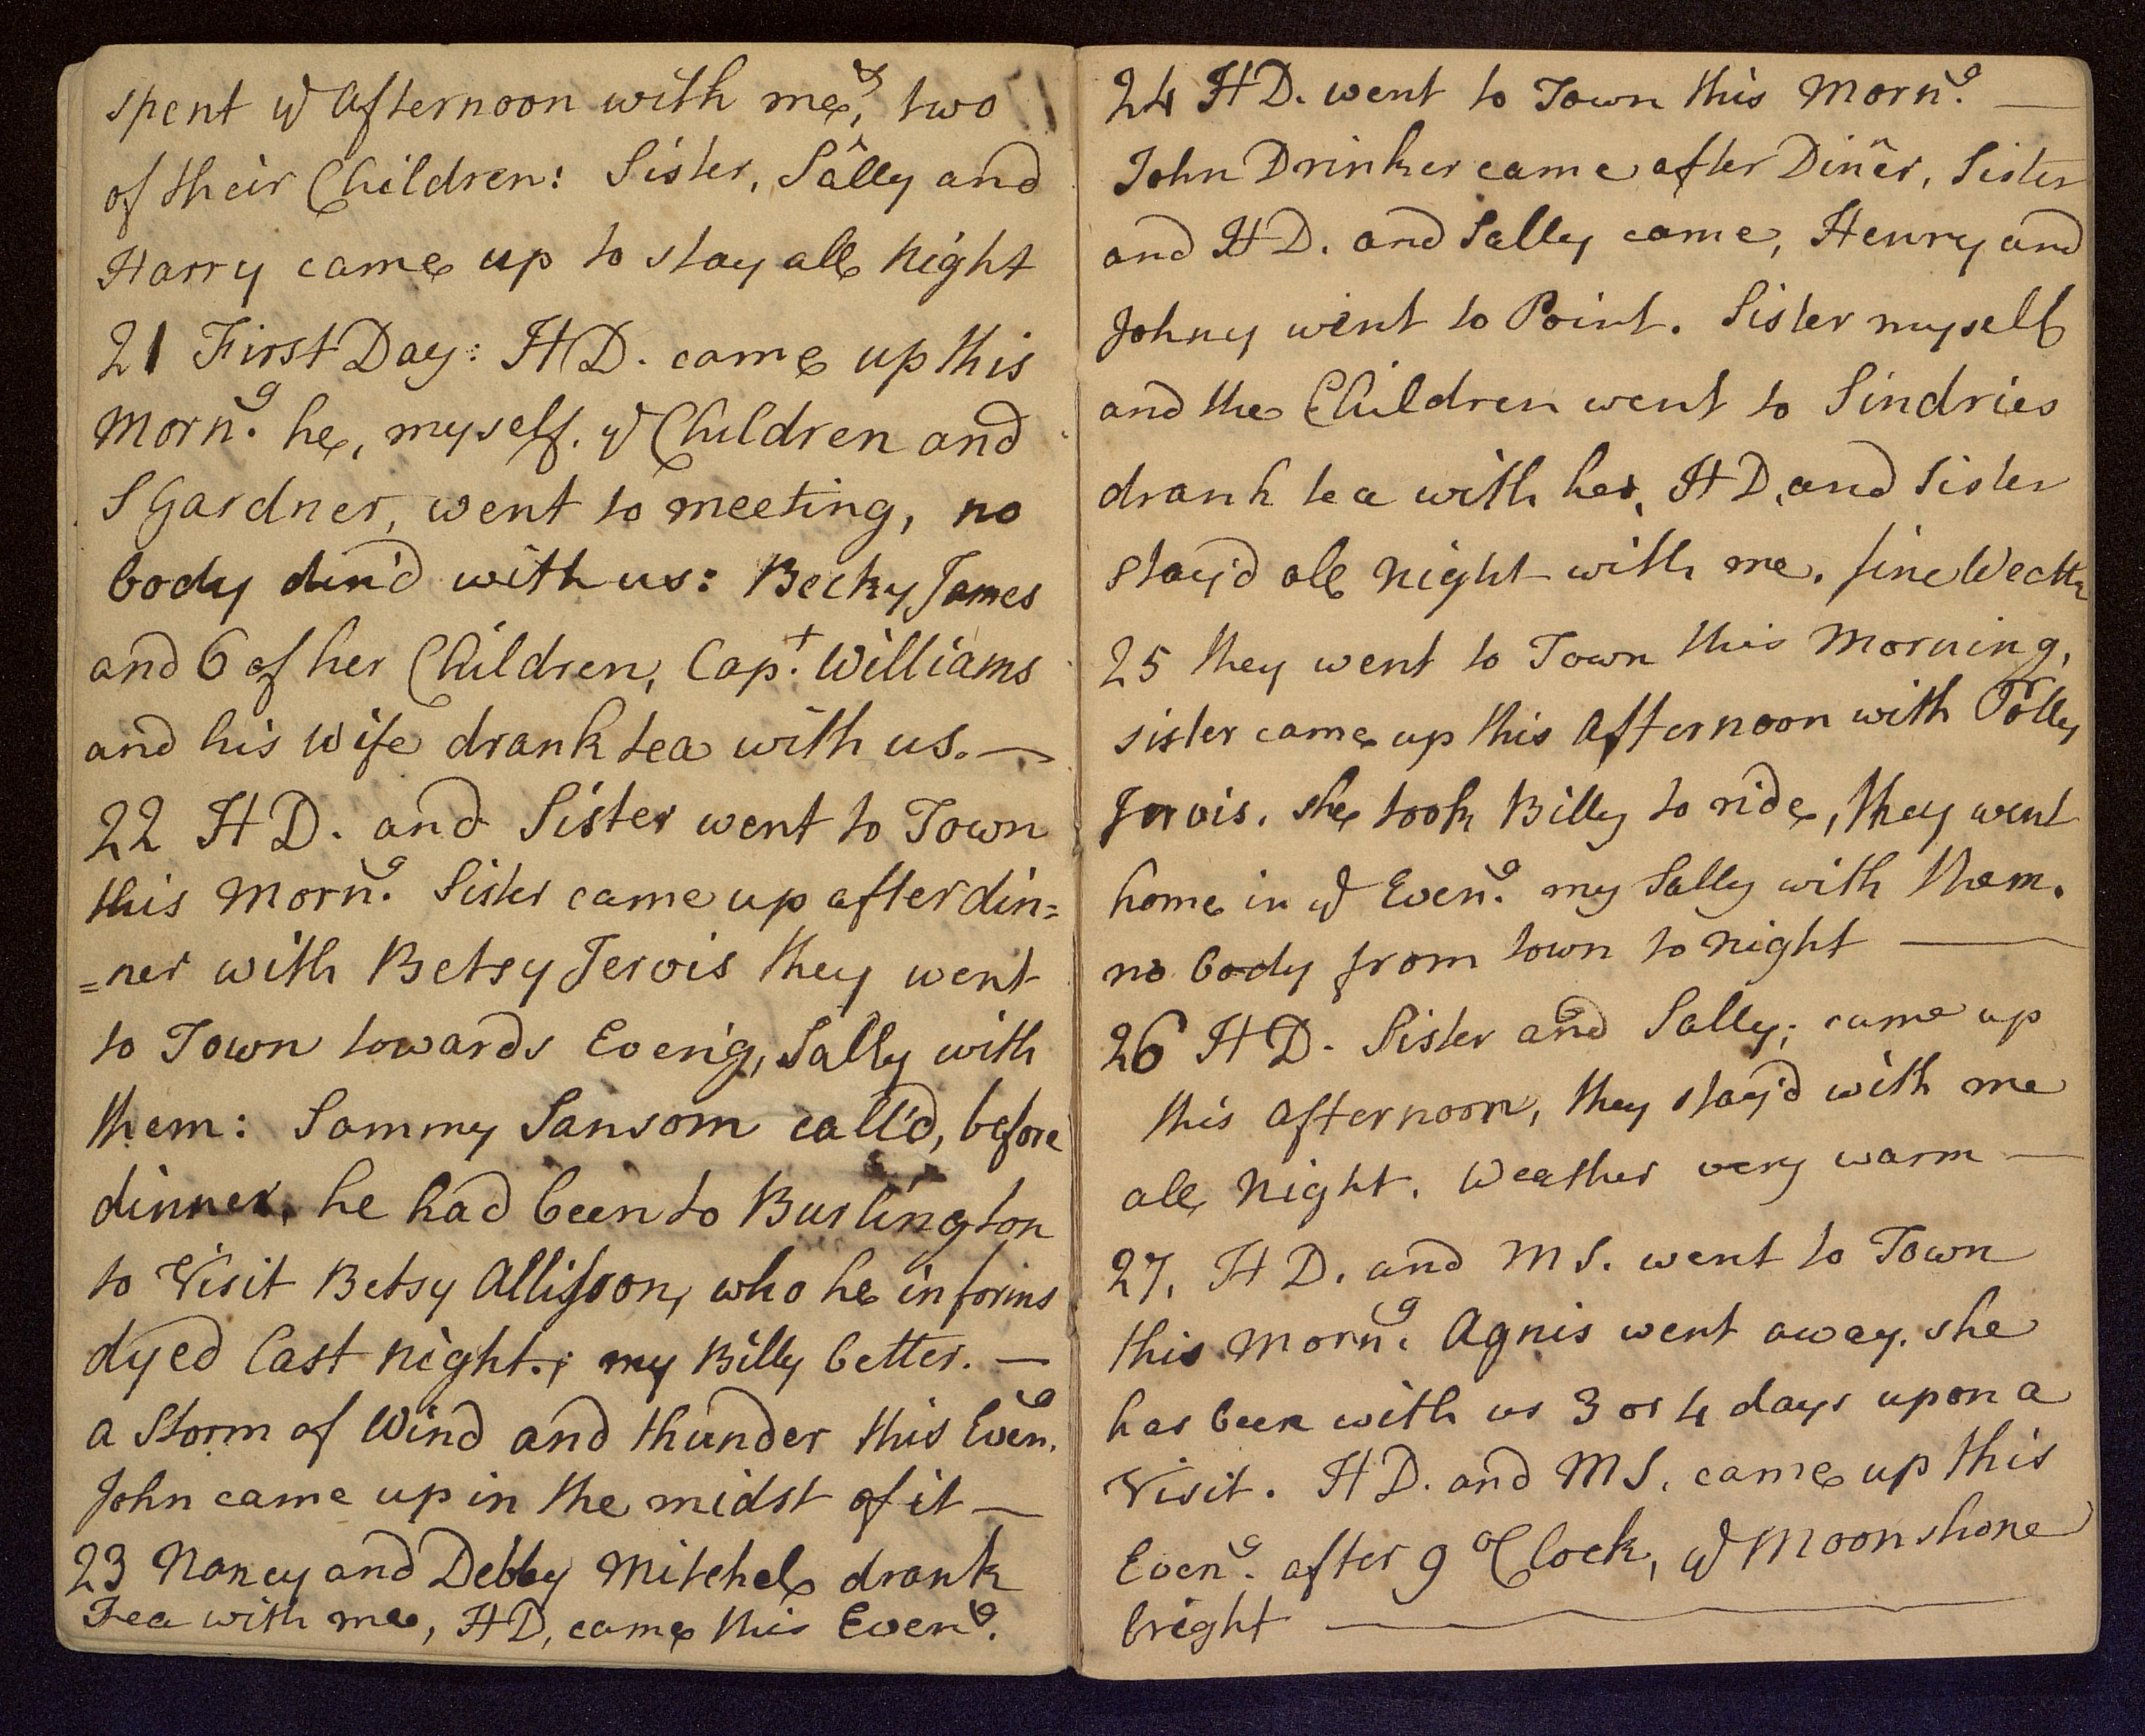spent y^e Afternoon with me, ^& two
of their Children: Sister, Sally and
Harry came up to stay all night
21 First Day: H D. came up this
Morn^g he, myself, y^e Children and
S Gardner, went to meeting, no
body din'd with us: Becky James
and 6 of her Children, Cap^t Williams
and his Wife drank tea with us.-
22 HD. and Sister went to Town
this Morn^g Sister came up after din-
-ner with Betsy Jervis they went
to Town towards Even'g, Sally with
them: Sammy Sansom call'd, before
dinner, he had been to Burlington
to Visit Betsy Allisson who he informs
dyed last night; my Billy better.-
a Storm of Wind and thunder this Even^g
John came up in the midst of it-
23 Nancy and Debby Mitchel drank
Tea with mee, HD, camp this Even^g
24 H D. went to Town this Morn^g-
John Drinker came after Din ^n er, Sister
and HD. and Sally came, Henry and
Johny went to Point. Sister myself
and the Children went to Sindries
drank tea with her, HD, and Sister
stay'd all night with me. fine Weathr
25 they went to Town this Morning,
sister came up this afternoon with Polly
Jervis. she took Billy to ride, they went
home in y^e Even^g. my Sally with them.
no body from town to night-
26 H D. Sister and Sally; came up
this afternoon, they stay'd with me
all night, Weather very warm-
27. H D. and MS. went to Town
this morn^g. Agnis went away. she
has been with us 3 or 4 days upon a
Visit. H D. and MS. came up this
Even^g. after 9 ^o Clock, y^e Moon shone
bright-